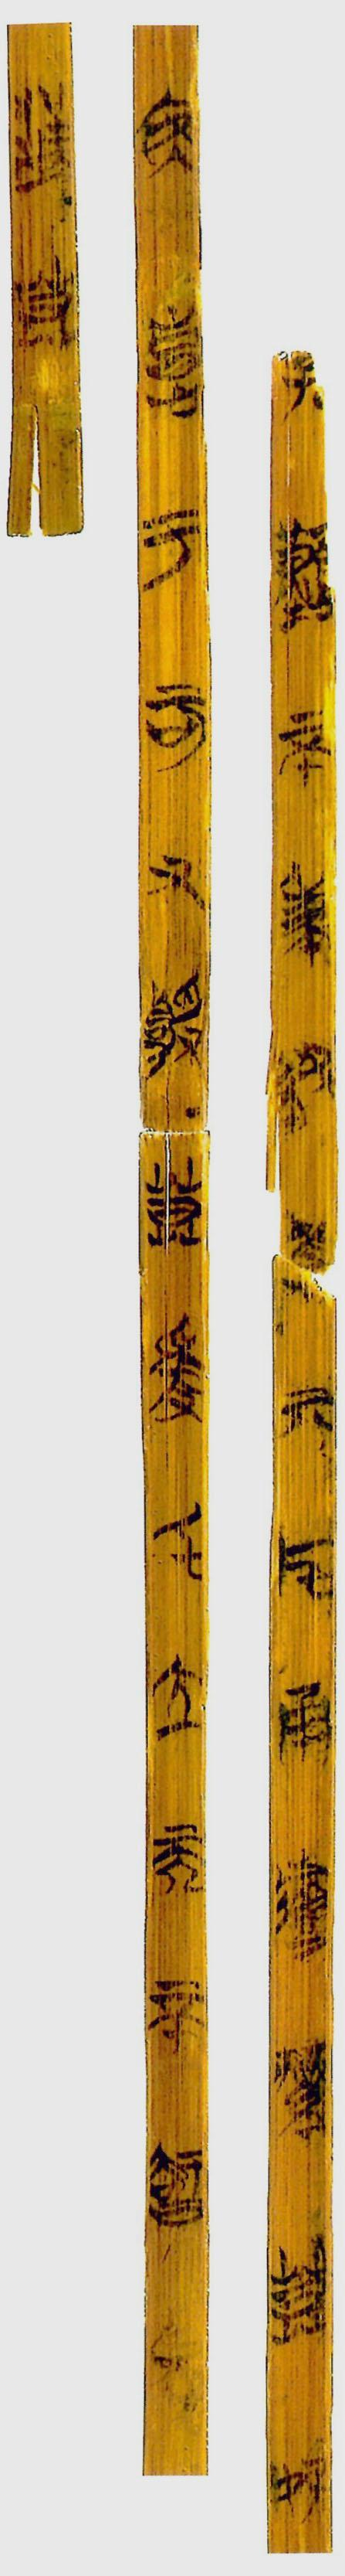□戁（難）不秉純惪亓厇甬{辶止㚔}（失）縈莫好安情于可又靜莫爯氒立而不智允{水呈皿}莫
